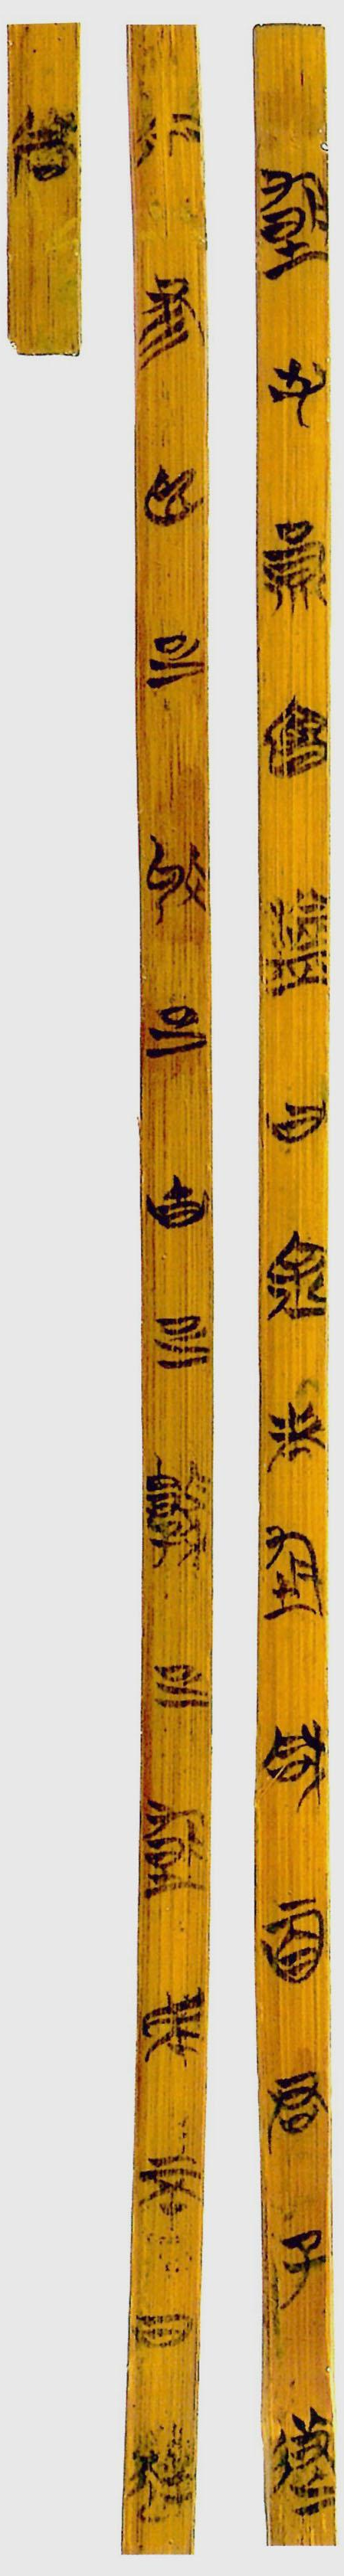{土旬}屯員{囗馬}{溢皿}曰余未均凡百君子﨤尔𦘔臣疋收疋由疋{㱿子攴禾}疋{土旬}民不日幸尚
